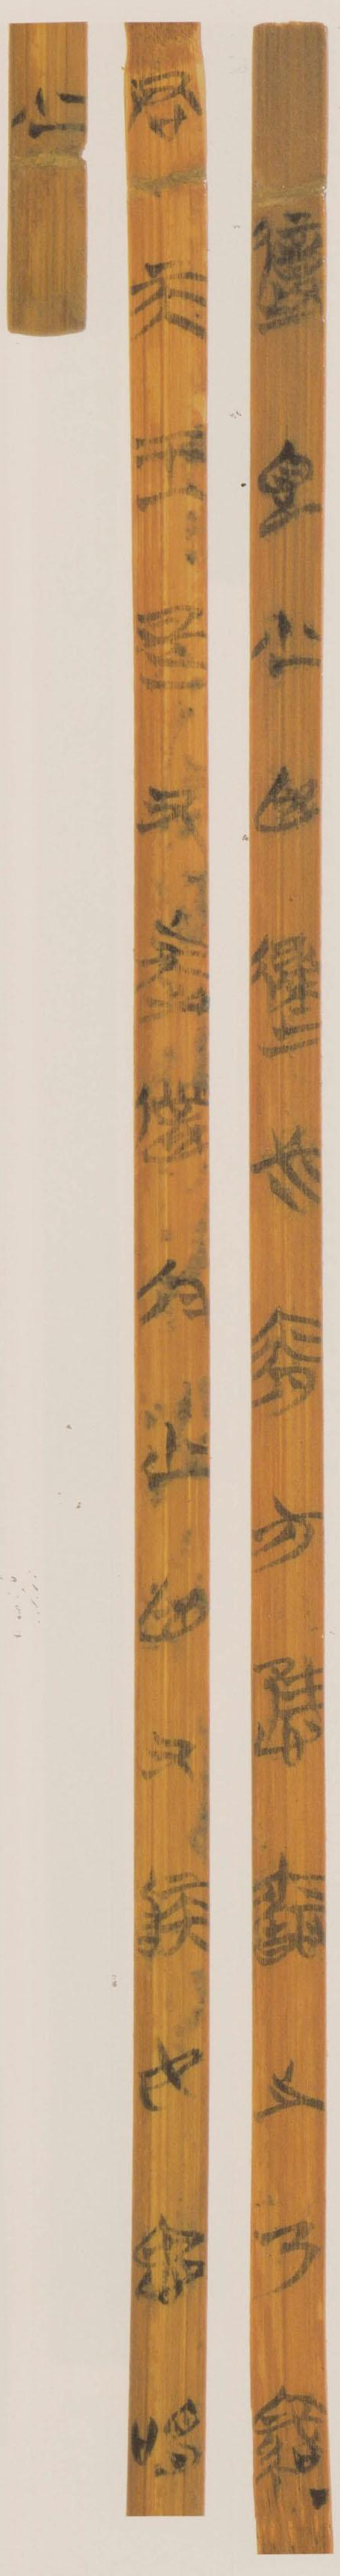復見少臣{辶帚}必夜方惟{尒䎽}之乃{糸竹咸}君天王是又{之室}{人菐臣}今少臣又疾女思{口爪勺}少
